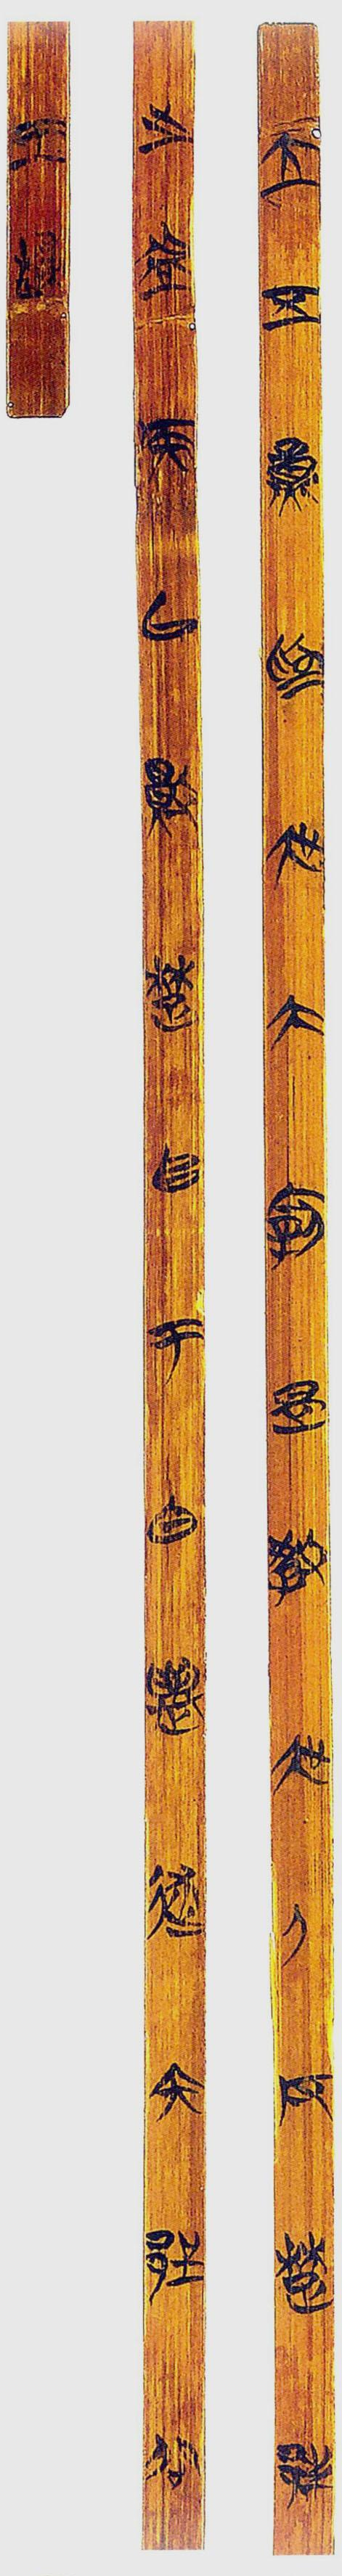立五員爲吳太{宀辛刀}是教吳人反楚邦之者侯㠯（以）敗楚𠂤于白𪴿述內郢卲王{𡴎帚}
